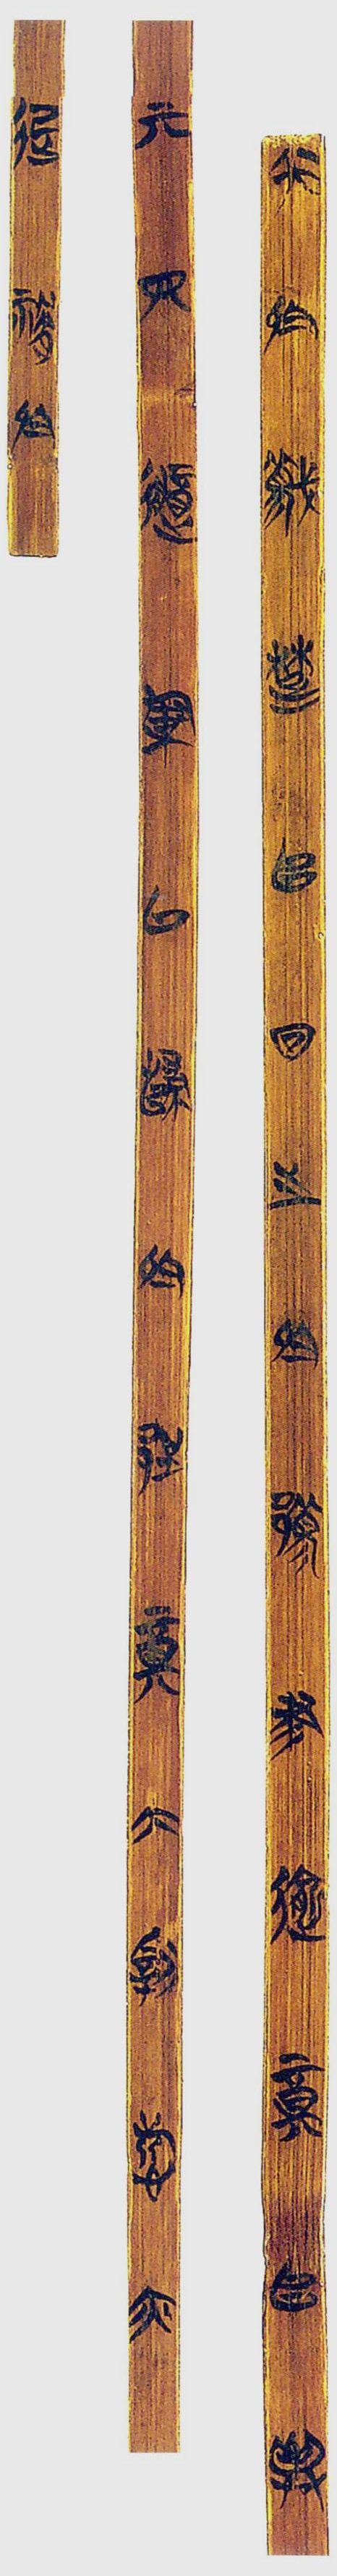內於蔑楚𠂤回之於{邑蔑}𦘔逾奠𠂤與亓四{辶𨟻}軍㠯（以）{𡴎帚}於郢奠太{宀辛刀}{心㫃斤}亦起禍於
